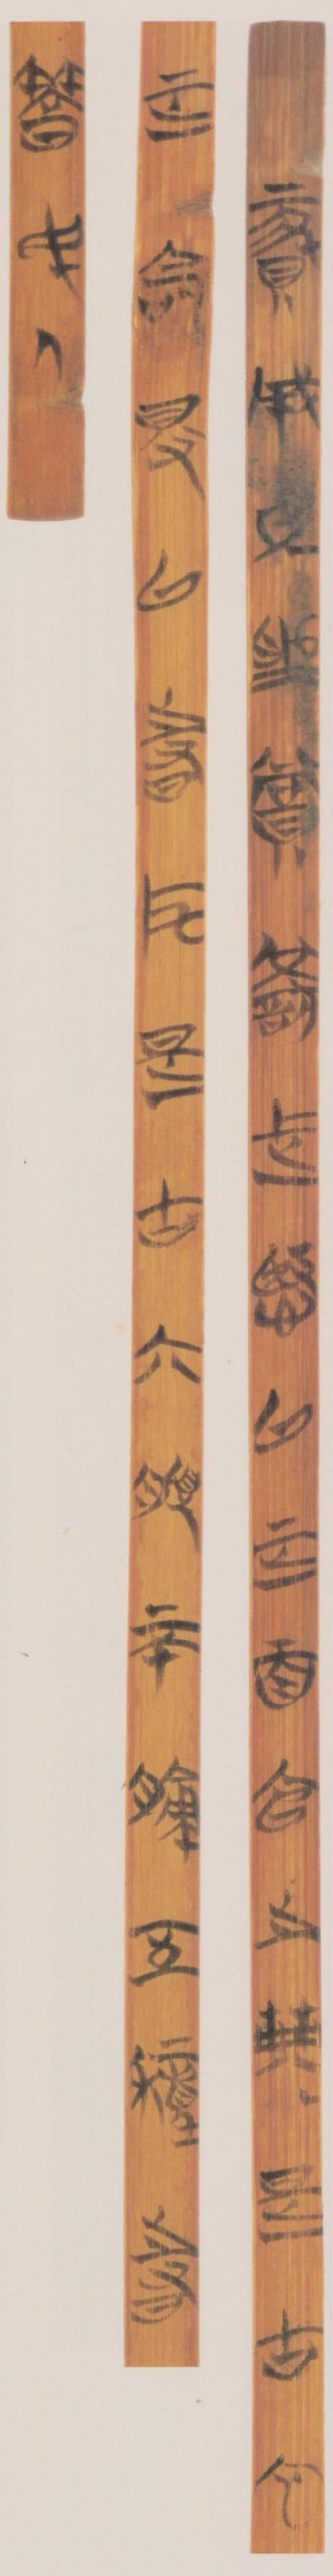賅成𡚦爲賞罰上B{臣又心}㠯（以）正百官之典是古它正命𠭁㠯（以）時厇是古六{肉頁}不{肉朿}五穜時{竹亯}民人
